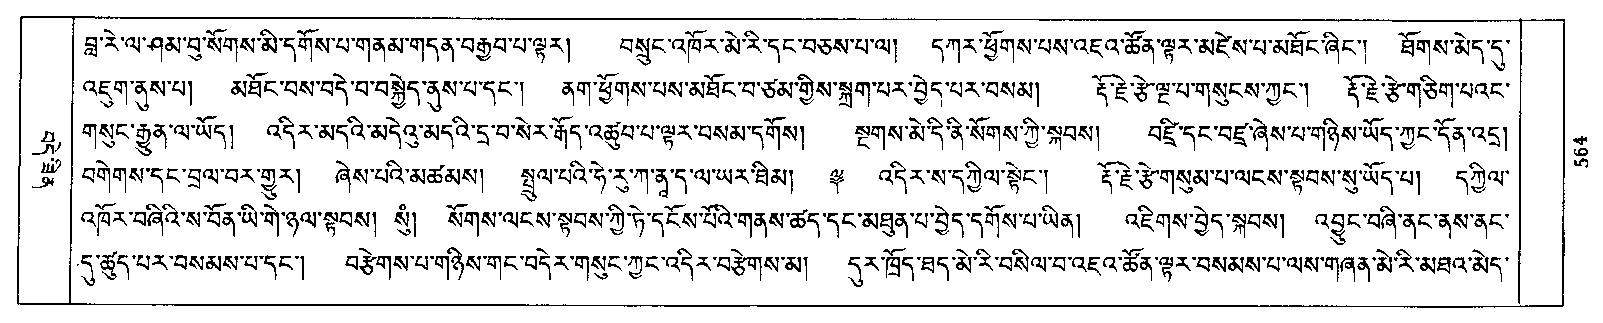བླ་རེ་ལ་ཤམ་བུ་སོགས་མི་དགོས་པ་གནམ་གདན་བརྒྱབ་པ་ལྟར། བསྲུང་འཁོར་མེ་རི་དང་བཅས་པ་ལ། དཀར་ཕྱོགས་པས་འཇའ་ཚོན་ལྟར་མཛེས་པ་མཐོང་ཞིང་། ཐོགས་མེད་དུ་
འཇུག་ནུས་པ། མཐོང་བས་བདེ་བ་བསྐྱེད་ནུས་པ་དང་། ནག་ཕྱོགས་པས་མཐོང་བ་ཙམ་གྱིས་སྐྲག་པར་བྱེད་པར་བསམ། རྡོ་རྗེ་རྩེ་ལྔ་པ་གསུངས་ཀྱང་། རྡོ་རྗེ་རྩེ་གཅིག་པའང་
གསུང་རྒྱུན་ལ་ཡོད། འདིར་མདའི་མདེའུ་མདའི་དྲ་བ་སེར་རྒོད་འཚུབ་པ་ལྟར་བསམ་དགོས། སྔགས་མེ་དི་ནི་སོགས་ཀྱི་སྐབས། བཛྲི་དང་བཛྲ་ཞེས་པ་གཉིས་ཡོད་ཀྱང་དོན་འདྲ།
བགེགས་དང་བྲལ་བར་གྱུར། ཞེས་པའི་མཚམས། སྤྲུལ་པའི་ཧེ་རུ་ཀ་ནཱ་ད་ལ་ཡར་ཐིམ། ༈ འདིར་ས་དཀྱིལ་སྟེང་། རྡོ་རྗེ་རྩེ་གསུམ་པ་ལངས་སྟབས་སུ་ཡོད་པ། དཀྱིལ་
འཁོར་བཞིའི་ས་བོན་ཡི་གེ་ཉལ་སྟབས། སུཾ། སོགས་ལངས་སྟབས་ཀྱི་ཏེ་དངོས་པོའི་གནས་ཚད་དང་མཐུན་པ་བྱེད་དགོས་པ་ཡིན། འཇིགས་བྱེད་སྐབས། འབྱུང་བཞི་ནང་ནས་ནང་
དུ་ཚུད་པར་བསམས་པ་དང་། བརྩེགས་པ་གཉིས་གང་བདེར་གསུང་ཀྱང་འདིར་བརྩེགས་མ། དུར་ཁྲོད་ཐད་མེ་རི་བསིལ་བ་འཇའ་ཚོན་ལྟར་བསམས་པ་ལས་གཞན་མེ་རི་མཐའ་མེད་